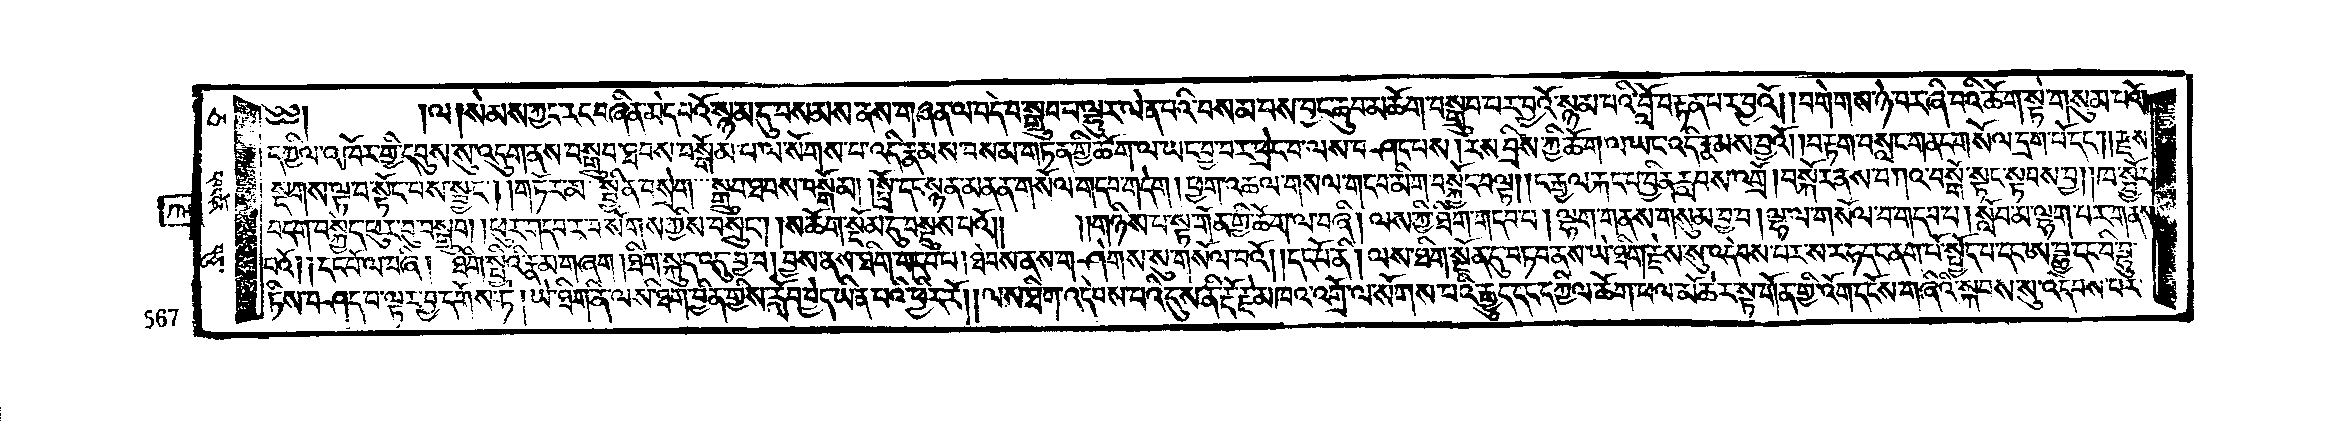༄༅། །ལ་།སེམས་ཀྱང་རང་བཞིན་མེད་པའོ་སྙམ་དུ་བསམས་ནས་གཞན་ལ་བདེ་བ་སྒྲུབ་པ་ལྷུར་ལེན་པའི་བསམ་པས་བྱང་ཆུབ་མཆོག་བསྒྲུབ་པར་བྱའོ་སྙམ་པའི་བློ་བརྟན་པར་བྱའོ། །བགེགས་ཉེ་བར་ཞི་བའི་ཆོ་ག་སྟེ་གསུམ་པའོ། །
དཀྱིལ་འཁོར་གྱི་དབུས་སུ་འདུག་ནས་བསྒྲུབ་ཐབས་བསྒོམ་པ་ལ་སོགས་པ་འདི་རྣམས་བསམ་གཏན་གྱི་ཆོ་ག་ལ་ཡང་བྱ་བར་ཕྲེང་བ་ལས་བཤད་པས། རས་བྲིས་ཀྱི་ཆོ་ག་ལ་ཡང་འདི་རྣམས་བྱའོ། །བརྟག་བསླང་གནང་གསོལ་དྲག་པོ་དང་། །རྫས་
སྔགས་ལྟ་བ་སྟོང་པས་སྦྱང་། །གཏོར་མ་སྦྱིན་བསྲེག་སྒྲུབ་ཐབས་བསྒོམ། །སྤྲོ་དང་སྙན་མནན་གསོལ་གདབ་གདེག །ཕྱག་འཚལ་གསལ་གདབ་མིག་བསྐྱོང་བལྟ། །ང་རྒྱལ་རྐང་པ་བྱིན་རླབས་འགྲོ། བསྐོར་ནས་བཀའ་བསྒོ་སྟང་སྟབས་བྱ། །ཁ་སྦྱོར་
བདག་བསྐྱེད་ཕུར་བུ་བསྒྲུབ། །ཕུར་གདབ་ར་བ་སོགས་ཀྱིས་བསྲུང་། །ས་ཆོག་སྡོམ་དུ་བསྡུས་པའོ།། །།གཉིས་པ་སྟ་གོན་གྱི་ཆོ་ག་ལ་བཞི། ལས་ཀྱི་ཐིག་གདབ་པ། ལྷག་གནས་གསུམ་བྱ་བ། ལྷ་ལ་གསོལ་བ་གདབ་པ། སློབ་མ་ལྷག་པར་གནས་
པའོ། །དང་པོ་ལ་བཞི། ཐིག་སྤྱིའི་རྣམ་གཞག །ཐིག་སྐུད་འདུ་བྱ་བ། བྱས་ནས་ཐིག་གདབ་པ། ཐེབས་ནས་གཤེགས་སུ་གསོལ་བའོ། །དང་པོ་ནི། ལས་ཐིག་སྔོན་དུ་བཏབ་ནས་ཡེ་ཐིག་རྗེས་སུ་འདེབས་པར་ས་ར་ཧ་དང་ནག་པོ་སྤྱོད་པ་དང་ཨ་བྷྱ་དང་བི་བྷུ་
ཏིས་བཤད་པ་ལྟར་བྱ་དགོས་ཏེ། ཡེ་ཐིག་ནི་ལས་ཐིག་བྱིན་གྱིས་རློབ་བྱེད་ཡིན་པའི་ཕྱིར་རོ། །ལས་ཐིག་འདེབས་པའི་དུས་ནི་རྡོ་རྗེ་མཁའ་འགྲོ་ལ་སོགས་པའི་རྒྱུད་དང་དཀྱིལ་ཆོག་ཕལ་མོ་ཆེར་སྟ་གོན་གྱི་འོག་དངོས་གཞིའི་སྐབས་སུ་འདེབས་པར་